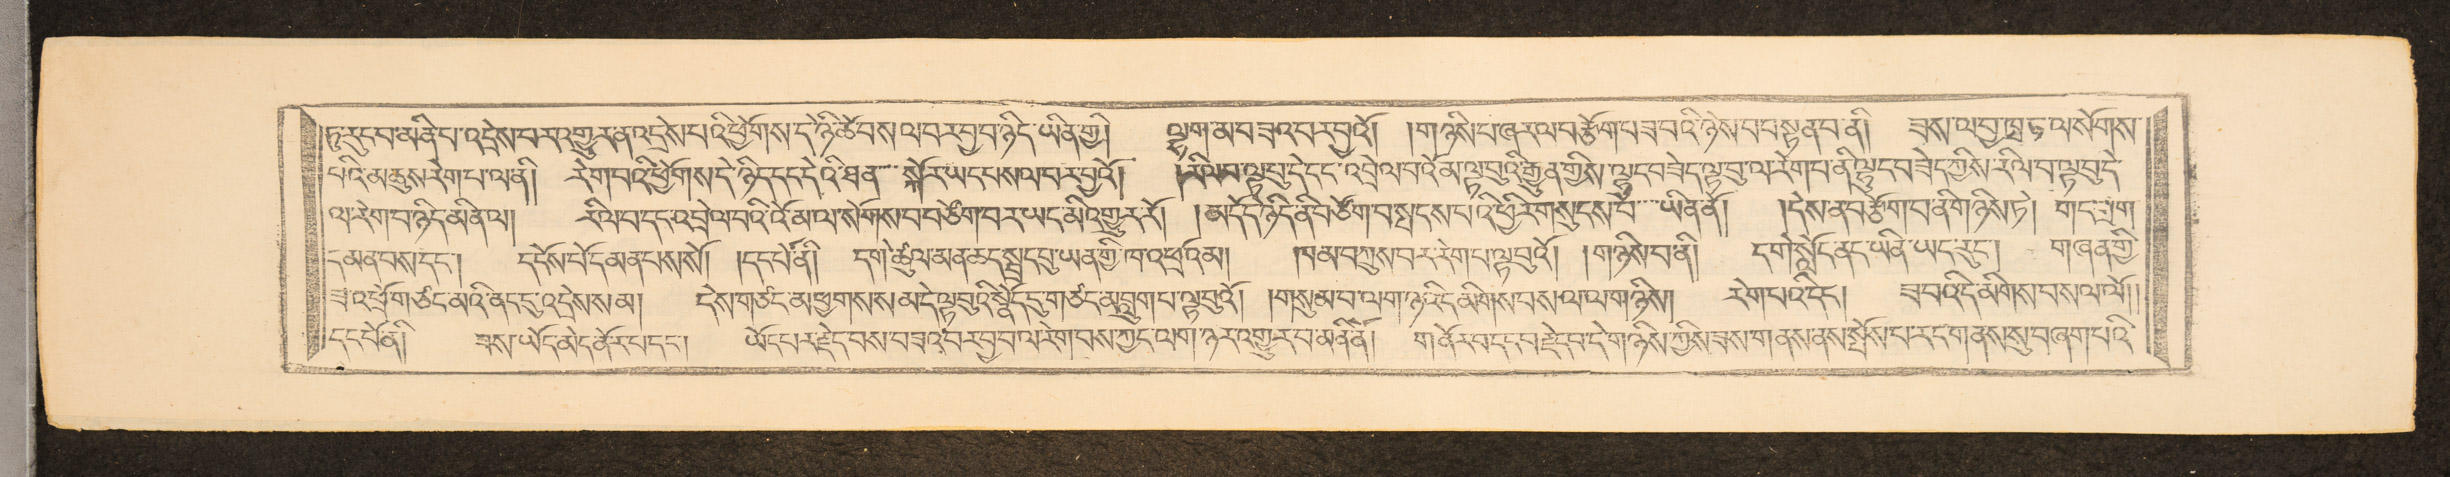ཏུ་རུང་བ་མེན་པ་འདྲེས་བར་འགྱུར་ན་འདྲེས་བའི་ཕྱོགས་དེ་ཉི་ཚེ་བསལ་བར་བྱ་བ་ཉིད་ཡིན་གྱི། ལྷག་མ་བཟའ་བར་བྱའོ། །གཉིས་བ་ཞར་ལ་བརྩོག་པ་ཟ་བའི་ཉེས་པ་བསྟན་པ་ནི། ཟས་ལ་བྱ་ཁྭ་ཏ་ལ་སོགས་
པའི་མཆུས་རེག་པ་ལ་ནི། རེག་པའི་ཕྱོགས་དེ་ཉིད་དང་དེའི་ཐན་སྐོར་ཡང་བསལ་བར་བྱའོ། །རིལ་བ་ལྟ་བུ་དེ་དང་འབྲེལ་བ་འོ་མ་ལྟ་བུའི་རྒྱུན་གྱིས་ལྷུང་བཟེད་ལྟ་བུ་ལ་རེག་པ་ནི་ལྷུང་བཟེད་ཀྱིས་རིལ་བ་ལྟ་བུ་དེ་
ལ་རེག་པ་ཉིད་མིན་ལ། རིལ་བ་དང་འབྲེལ་བའི་འོ་མ་ལ་སོགས་པ་བཙོག་པར་ཡང་མི་འགྱུར་རོ། །མདོ་དེ་ཉིད་ནི་བཙོག་པ་སྤངས་པའི་ཕྱིར་གསུངས་པ་ཡིན་ནོ། །དེས་ན་བརྩོག་པ་ནི་གཉིས་ཏེ། གང་ཟག་
དམན་པས་དང་། དངོས་པོ་དམན་པས་སོ། །དང་པོ་ནི། དགེ་ཚུལ་མན་ཆད་སྦྲང་བུ་ཡན་གྱི་ཁ་འཕྲོའམ། ཁམ་བཀྲུས་པར་རེག་པ་ལྟ་བུའོ། །གཉིས་པ་ནི། དགེ་སློང་ནང་ཡིན་ཡང་རུང་། གཞན་གྱི་
ཟ་འཕྲོ་གཙང་མའི་ནང་དུ་འདྲེས་སམ། དེས་གཙང་མ་ཕྱགས་སམ་དེ་ལྟ་བུའི་སྣོད་དུ་གཙང་མ་བླུག་པ་ལྟ་བུའོ། །གསུམ་པ་ལག་ཉའི་དམིགས་བསལ་ལ་གཉིས། རེག་པའི་དང་། ཟ་བའི་དམིགས་བསལ་ལོ།།
དང་པོ་ནི། ཟས་ཡོད་མེད་ནོར་བ་དང་། ཡོད་པར་རྗེད་བས་བཟའ་བར་བྱ་བ་ལ་རེག་པས་ཀྱང་ལག་ཉར་འགྱུར་བ་མིན་ནོ། །ནོར་བ་དང་བརྗེད་པ་དེ་གཉིས་ཀྱིས་ཟས་གནས་ནས་སྤོས་པ་རང་གནས་སུ་བཞག་པའི་